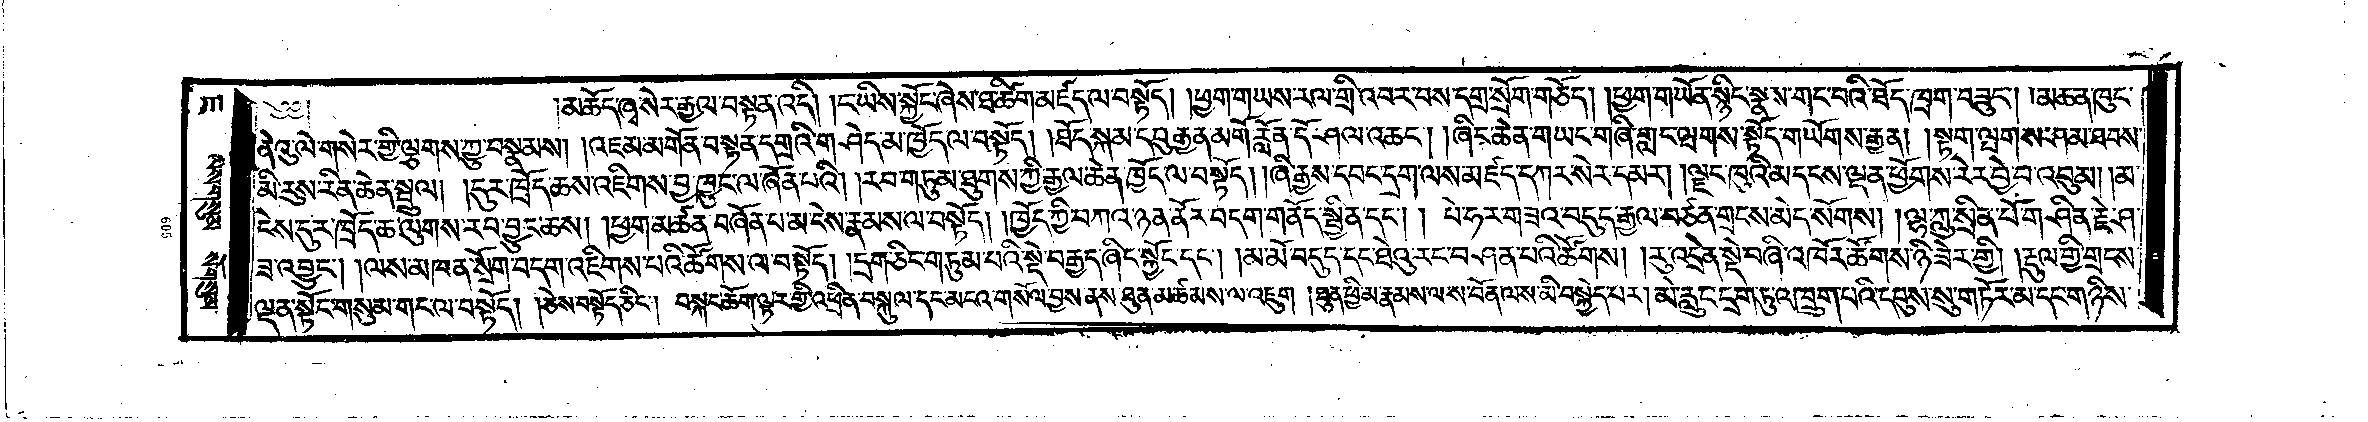༄༅། །མཆོད་ཞྭ་སེར་རྒྱལ་བསྟན་འདི། །ང་ཡིས་སྐྱོང་ཞེས་ཐ་ཚིག་མཛད་ལ་བསྟོད། །ཕྱག་གཡས་རལ་གྲི་འབར་བས་དགྲ་སྲོག་གཅོད། །ཕྱག་གཡོན་སྙིང་སྣས་གང་བའི་ཐོད་ཁྲག་བཟུང་། །མཆན་ཁུང་
ནེའུ་ལེ་གསེར་གྱི་ལྕགས་ཀྱུ་བསྣམས། །འཇམ་མགོན་བསྟན་དགྲའི་གཤེད་མ་ཁྱོད་ལ་བསྟོད། །ཐོད་སྐམ་དབུ་རྒྱན་མགོ་རློན་དོ་ཤལ་འཆང་། །ཞིང་ཆེན་གཡང་གཞི་གླང་ལྤགས་སྟོད་གཡོགས་རྒྱན། །སྟག་ལྤགས་ཤམ་ཐབས་
མི་རུས་རིན་ཆེན་སྤྲུལ། །དུར་ཁྲོད་ཆས་འཇིགས་བྱ་ཁྱུང་ལ་ཞོན་པའི། །རབ་གཏུམ་ཐུགས་ཀྱི་རྒྱལ་ཆེན་ཁྱོད་ལ་བསྟོད། །ཞི་རྒྱས་དབང་དག་ལས་མཛད་དཀར་སེར་དམར། །ལྗང་ཁུའི་མདངས་ལྡན་ཕྱོགས་རེར་བྱེ་བ་འབུམ། །མ་
ངེས་དུར་ཁྲོད་ཆ་ལུགས་རབ་བྱུང་ཆས། །ཕྱག་མཚན་གཞོན་པ་མ་ངེས་རྣམས་ལ་བསྟོད། །ཁྱོད་ཀྱི་བཀའ་ཉན་ནོར་བདག་གནོད་སྦྱིན་དང་། །བེ་ཧར་གཟའ་བ་དུད་རྒྱལ་བཙན་གྲངས། །མེད་སོགས། །ལྷག་ཀླུ་སྲིན་པོ་གཤིན་རྗེ་ཤ་
ཟ་འབྱུང་། །ལས་མཁན་སྲོག་བདག་འཇིགས་པའི་ཚོགས་ལ་བསྟོད། །དྲག་ཅིང་གཏུམ་པའི་སྡེ་བརྒྱད་ཞིང་སྐྱོང་དང་། །མ་མོ་བདུད་དང་ཐེའུ་རང་བཤན་བའི་ཚོགས། །རུ་འདྲེན་སྡེ་བཞི་འཁོར་ཚོགས་ཉི་ཟེར་གྱི། །རྡུལ་གྱི་གྲངས་
ལྡན་སྟོང་གསུམ་གང་ལ་བསྟོད། །ཅེས་བསྟོད་ཅིང་། བསྐང་ཆོག་ལྟར་གྱི་འཕྲིན་བསྐུལ་དང་མངའ་གསོལ་བྱས་ནས་ཐུན་མཚམས་ལ་འཇུག །ཐུན་ཕྱི་མ་རྣམས་ལ་ས་བོན་ལས་མི་བསྐྱེད་པར། མེ་རླུང་དྲག་ཏུ་འཁྲུག་པའི་དབུས་སུ་གཏོར་མ་དང་གཉིས་